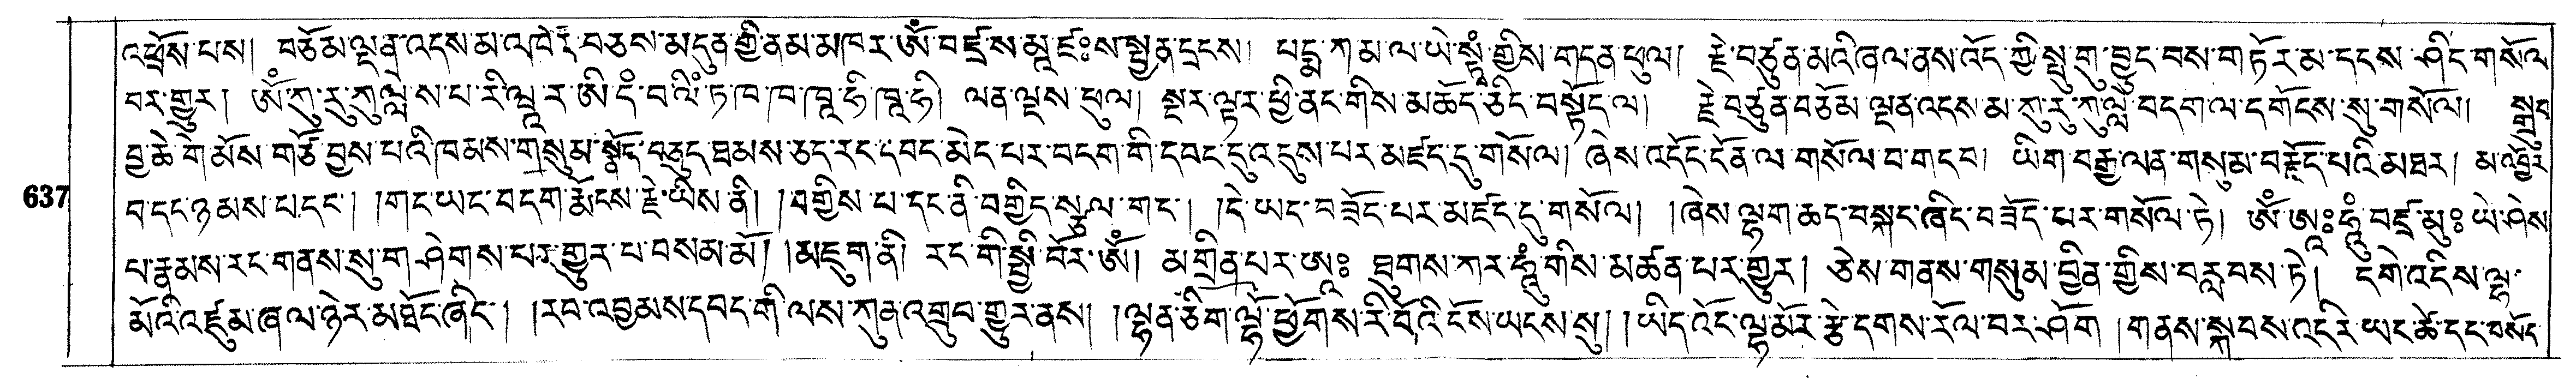འཕྲོས་པས། བཅོམ་ལྡན་འདས་མ་འཁོར་བཅས་མདུན་གྱི་ནམ་མཁར་ཨོཾ་བཛྲ་ས་མཱ་ཛཿ ས་སྤྱན་དྲངས། པདམ་ཀ་མ་ལ་ཡེ་སྟྭཾ་གྱིས་གདན་ཕུལ། རྗེ་བཙུན་མའི་ཞལ་ནས་འོད་ཀྱི་སྤུ་གུ་བྱུང་བས་གཏོར་མ་དངས་ཤིང་གསོལ་
བར་གྱུར། ཨོཾ་ཀུ་རུ་ཀུ་ལླེ་ས་པ་རི་ཝཱ་ར་ཨི་དཾ་བ་ལིཾ་ཏ་ཁ་ཁ་ཁཱ་ཧི་ཁཱ་ཧི། ལན་ལྔས་ཕུལ། སྔར་ལྟར་ཕྱི་ནང་གིས་མཆོད་ཅིང་བསྟོད་ལ། རྗེ་བཙུན་བཅོམ་ལྡན་འདས་མ་ཀུ་རུ་ཀུ་ལླེ་བདག་ལ་དགོངས་སུ་གསོལ། སྒྲུབ་
བྱ་ཆེ་གེ་མོས་གཙོ་བྱས་པའི་ཁམས་གསུམ་སྣོད་བཅུད་ཐམས་ཅད་རང་དབང་མེད་པར་བདག་གི་དབང་དུ་འདུས་པར་མཛད་དུ་གསོལ། ཞེས་འདོད་དོན་ལ་གསོལ་བ་གདབ། ཡིག་བརྒྱ་ལན་གསུམ་བརྗོད་པའི་མཐར། མ་འབྱོར་
བ་དང་ཉམས་པ་དང་། །གང་ཡང་བདག་རྨོངས་རྗེ་ཡིས་ནི། །བགྱིས་པ་དང་ནི་བགྱིད་སྩལ་གང་། །དེ་ཡང་བཟོད་པར་མཛད་དུ་གསོལ། །ཞེས་ལྷག་ཆད་བསྐང་ཞིང་བཟོད་པར་གསོལ་ཏེ། ཨོཾ་ཨཱཿ ཧཱུཾ་བཛྲ་མུཿ ཡེ་ཤེས་
པ་རྣམས་རང་གནས་སུ་གཤེགས་པར་གྱུར་པ་བསམ་མོ། །མཇུག་ནི། རང་གི་སྤྱི་བོར་ཨོཾ། མགྲིན་པར་ཨཱཿ ཐུགས་ཀར་ཧཱུཾ་གིས་མཚན་པར་གྱུར། ཅེས་གནས་གསུམ་བྱིན་གྱིས་བརླབས་ཏེ། དགེ་འདིས་ལྷ་
མོའི་འཛུམ་ཞལ་ཉེར་མཐོང་ཞིང་། །རབ་འབྱམས་དབང་གི་ལས་ཀུན་འགྲུབ་གྱུར་ནས། །ལྷན་ཅིག་ལྷོ་ཕྱོགས་རི་བོའི་ངོས་ཡངས་སུ། །ཡིད་འོང་ལྷ་མོར་རྩེ་དགས་རོལ་བར་ཤོག །གནས་སྐབས་འདིར་ཡང་ཚེ་དང་བསོད་